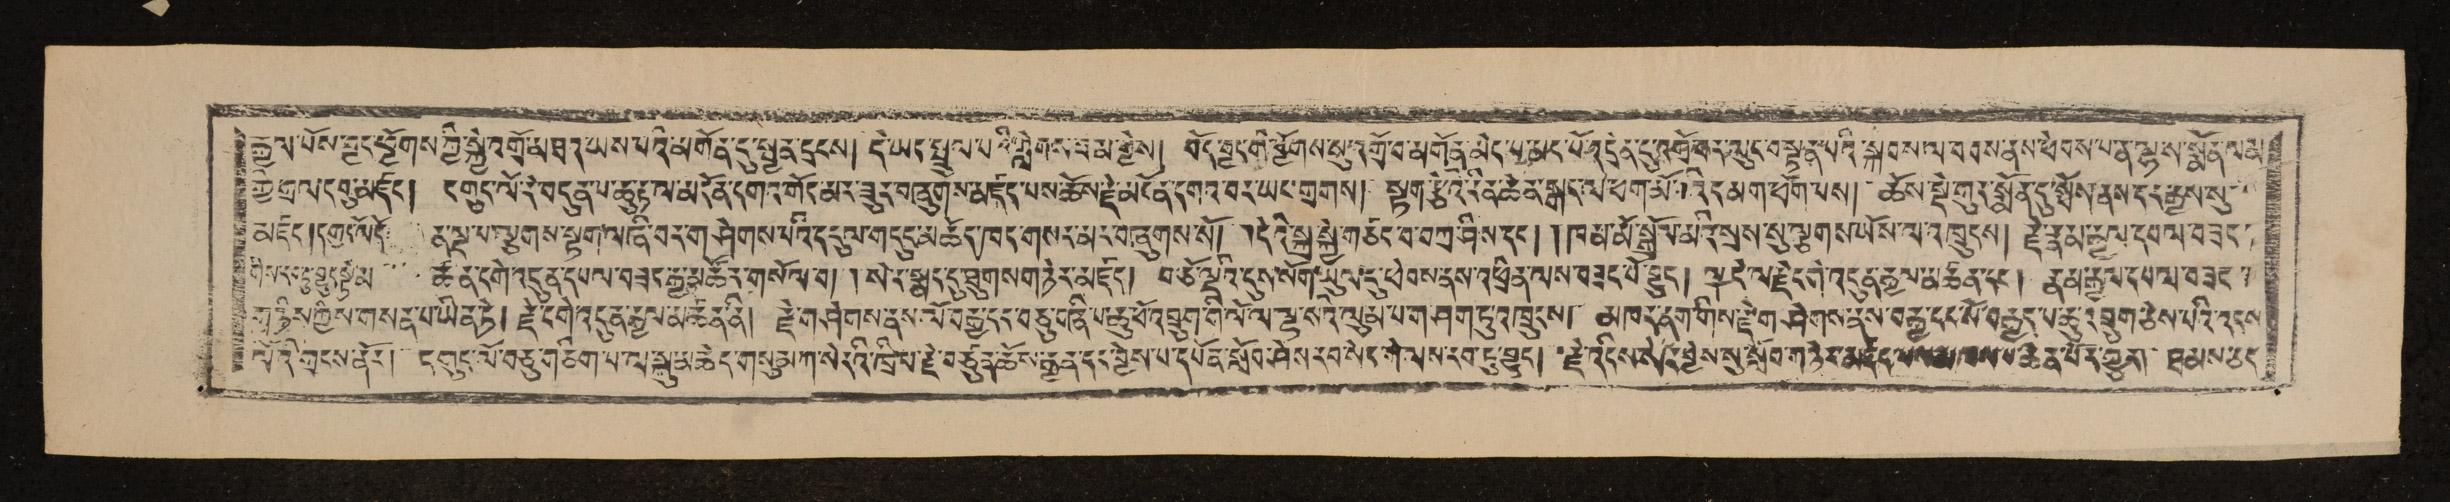རྒྱལ་པོས་བྱང་ཕྱོགས་ཀྱི་སྐྱེ་འགྲོ་མཐའ་ཡས་པའི་མགོན་དུ་སྤྱན་དྲངས། དེ་ཡང་སྤྲུལ་པའི་གླེགས་བམ་གྱིས། བོད་བྱང་གི་ཕྱོགས་སུ་འགྲོ་བ་མགོན་མེད་པ་མང་པོ་འདྲེན་དུ་འགྲོ་བར་ལུང་བསྟན་པའི་སྐབས་ལ་བབས་ནས་ཕེབས་པ་ན་ལྷ་ས་སྨོན་ལམ་
གྱི་གྲལ་དབུ་མཛད། དགུང་ལོ་རེ་བདུན་པ་ཆུ་རྟ་ལ་མངོན་དགའ་གོང་མར་ཟུར་བཞུགས་མཛད་པས་ཆོས་རྗེ་མངོན་དགའ་བར་ཡང་གྲགས། སྟག་རྩེའི་རིན་ཆེན་སྒང་ལ་ཕག་མོ་བའི་དམག་ཕོག་པས། ཆོས་སྡེ་གུར་སྨོན་དུ་སྤོས་ནས་དར་རྒྱས་སུ་
མཛད། དགུང་ལོ་དོན་ལྔ་པ་ལྕགས་སྟག་ལ་ཞི་བར་གཤེགས་བའི་དངུལ་གདུང་མཆོད་ཁང་གསར་མར་བཞུགས་སོ། །དེའི་སྐུ་སྐྱེ་གཙང་བ་བཀྲ་ཤིས་དང་། ཁམ་མོ་སྒྲོལ་མའི་སྲས་སུ་ལྕགས་ཡོས་ལ་འཁྲུངས། རྗེ་རྣམ་རྒྱལ་དཔལ་བཟང་
གིས་རབ་ཏུ་བྱུང་སྟེ་མཚན་དགེ་འདུན་དཔལ་བཟང་རྒྱ་མཚོར་གསོལ་བ། སེར་སྨད་དུ་ཐུགས་གཉེར་མཛད། བཅོ་ལྔའི་དུས་སོག་ཡུལ་དུ་ཕེབས་ནས་འཕྲིན་ལས་བཟང་པོ་བྱུང་། ༈ དེ་ལ་རྗེ་དགེ་འདུན་རྒྱལ་མཚན་དང་། རྣམ་རྒྱལ་དཔལ་བཟང་
གཉིས་ཀྱིས་གསན་པ་ཡིན་ཏེ། རྗེ་དགེ་འདུན་རྒྱལ་མཚན་ནི། རྗེ་གཤེགས་ནས་ལོ་བརྒྱ་དང་བཅུ་བཞི་བ་ཆུ་ཕོ་འབྲུག་གི་ལོ་ལ་ལྷ་སའི་ལུམ་པ་གཤག་ཏུ་འཁྲུངས། མཁར་ནག་གིས་རྗེ་གཤེགས་ནས་བརྒྱ་དང་སོ་བརྒྱད་པ་ཆུ་འབྲུག་ཅེས་པའི་འདས་
ལོའི་གྲངས་ནོར། དགུང་ལོ་བཅུ་གཅིག་པ་ལ་སྐུ་མཆེད་གསུམ་ཀ་སེ་རེའི་ཁྲིད་བ་རྗེ་བཙུན་ཆོས་རྒྱན་དང་བྱེས་པ་དཔོན་སློང་ཤེས་རབ་སེང་གེ་ལས་རབ་ཏུ་བྱུང་། རྗེ་འདིས་སེར་བྱེས་སུ་སློབ་གཉེར་མཛད་པས་མཁས་པ་ཆེན་པོར་གྱུར། ཐམས་ཅད་